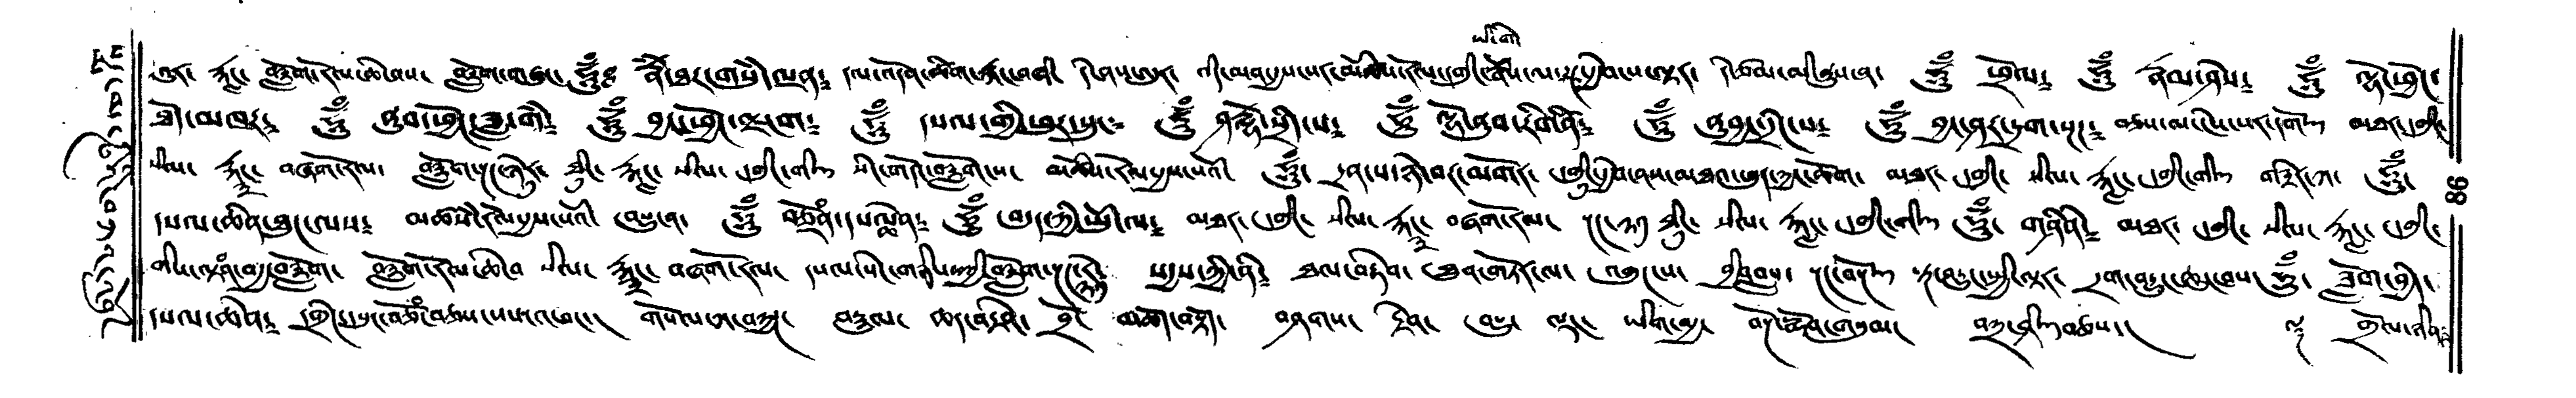༨༦༽ འུར། རྐང་བཞི། བཟློག་རོལ་ཆེ་བས། བཟློག་གཞུང་། ཧཱུྃཿ རྣམ་ཐར་གསུམ་ལྡན༴ དལ་འདོན་ཚིག་རྐང་བཞི། དེ་ནས་འདུར། འདི་མན་རྒྱས་པར་མཚམས་རོལ་དགུ་ཐིང་ཡི་གེ་རྣམས་ལ་རྟགས་རྒྱབ་པ་ལྟར། དེ་ཙམ་མི་ནུས་ན། ཧཱུྃཿ ཕྲོལ༴ ཧཱུྃཿ རྣམ་ཤེས༴ ཧཱུྃཿ ལྷོ་ཕྱོགས་
ཐོད་མཁར༴ ཧཱུྃཿ ནུབ་ཕྱོགས་ཟླ་གམ༴ ཧཱུྃཿ བྱང་ཕྱོགས་ལྗང་ནག༴ ཧཱུྃཿ དཔལ་གྱི་ཕུར་སྲུང༴ ཧཱུྃཿ ཤར་ལྷོ་སྲིད་པ༴ ཧཱུྃཿ ལྷོ་ནུབ་རིག་འཛིན༴ ཧཱུྃཿ ནུབ་བྱང་དྲེགས་པ༴ ཧཱུྃཿ བྱང་ཤར་དྲག་སྔགས༴ བཅས་ལ་ངེས་པར་དགོས། མཐར་དགུ་ཐིང་
སིལ། རྐང་གསུམ། བཞག་རོལ། ཟློག་སྔགས་ཉེར་གཅིག ཐིང་གཅིག རྐང་བཞི། སིལ། དགུ་ཐིང་གིས། སེང་གདོང་ཟློག་པ། མཚམས་རོལ་རྒྱས་པའམ། ཧཱུྃ། དྲན་པ་ཉེ་བར༴ མགོར། དགུ་ཐིང་གཅིག་རྒྱབ་ནས་མཐའ་ཕུད་ཀྱང་ཆོག མཐར། དགུ་ཐིང་། སིལ། རྐང་གཅིག དགུ་ཐིང་གིས། གཟེར་ཀ ཧཱུྃཿ 
དཔལ་ཆེན་ཐུགས་ལས༴ མཚམས་རོལ་རྒྱས་པའམ། བསྡུ་ན། ཧཱུྃཿ བཅོམ་ལྡན་དཔལ་ཆེན༴ ཧཱུྃཿ བདུད་ཀྱི་ཡུམ་ལ༴ མཐར། དགུ་ཐིང་། སིལ། རྐང་གསུམ། བཞག་རོལ། སྔགས་ཉེར་གཅིག ཐིང་གཅིག སིལ། རྐང་བཞི། དགུ་ཐིང་གིས། ཧཱུྃ། གཤིན་རྗེ༴ མཐར། དགུ་ཐིང་། སིལ། རྐང་བཞི། དགུ་ཐིང་
གིས་ལྟས་ངན་བརྒྱ་བཟློག བཟློག་རོལ་ཆེ་བ། སིལ། རྐང་གསུམ། བཞག་རོལ། དཔལ་སེང་གཉིས་ཀྱི་བཟློག་སྔགས་ཉེར་གཅིག་རེ། སངས་རྒྱས་ཀྱིས་ནི༴ ཐལ་རྡེབ། ཐུན་གཏོར་ལ། འགུགས་པ། བྱིན་རླབས། སྔགས་བསྔོ། རྔ་རྡུང་སྤྱི་ལྟར། དྲག་བརྡུང་ཆུང་བས། ཧཱུྃཿ ཟློག་བྱེད་
དཔལ་ཆེན༴ དགྲ་བགེགས་དཔུང་བཅོམ་བཅས་པས་འཕང་། གསོལ་ཀ་བཀྱག བསྐུལ། ཆད་བརྟན། བྲོ། མཆོད་བསྟོད།བཤགས། རྟེན། བསྡུ། ལྡང་། ཡིག་བརྒྱ། བསྔོ་སྨོན་གསུམ། བཀྲ་ཤིས་བཅས། ༈ གྲོལ་ཉིན་